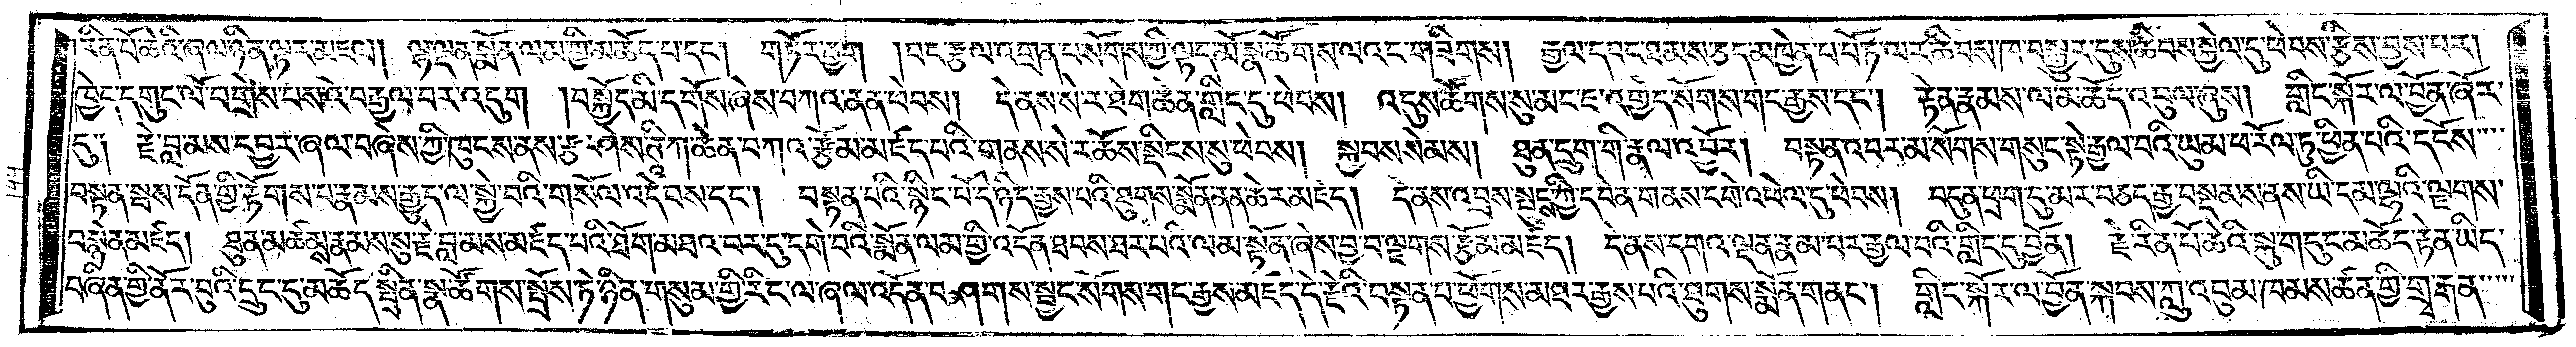རིན་པོ་ཆེའི་ཞལ་ཉིན་ལྟར་མཇལ། ལྷ་ལྡན་སྨོན་ལམ་གྱི་མཆོད་པ་དང་། གཏོར་རྒྱག །བང་རྩལ་འགྲན་པ་སོགས་ཀྱི་ལྟད་མོ་སྣ་ཚོགས་ལའང་གཟིགས། རྒྱལ་དབང་ཐམས་ཅད་མཁྱེན་པ་པོ་ཏ་ལར་ཆིབས་ཁ་བསྒྱུར་དུས་ཆིབས་སྐྱེལ་དུ་ཕབས་རྩིས་བྱས་པར།
ཁྱེད་དགུང་ལོ་བགྲེས་པས་འོ་བརྒྱལ་བར་འདུག །བསྐྱོད་མི་དགོས་ཞེས་བཀའ་ནན་ཕེབས། དེ་ནས་སེ་ར་ཐེག་ཆེན་གླིང་དུ་ཕེབས། འདུས་ཚོགས་སུ་མང་ཇ་འགྱེད་སོགས་གང་རྒྱས་དང་། རྟེན་རྣམས་ལ་མཆོད་འབུལ་ཞུས། གླིང་སྐོར་ལ་བྱོན་ཞོར་
དུ༑ རྗེ་བླ་མས་དབྱར་ཞལ་བཞེས་ཀྱི་ཁུངས་ནས་རྩ་ཤེས་ཊཱིཀ་ཆེན་བཀའ་རྩོམ་མཛད་པའི་གནས་སེ་ར་ཆོས་སྡིངས་སུ་ཕེབས། སྐྱབས་སེམས། ཐུན་དྲུག་གི་རྣལ་འབྱོར། བསྟན་འབར་མ་སོགས་གསུང་སྟེ་རྒྱལ་བའི་ཡུམ་ཕ་རོལ་ཏུ་ཕྱིན་པའི་དངོས་
བསྟན་སྦས་དོན་གྱི་རྟོགས་པ་རྣམས་རྒྱུད་ལ་སྐྱེ་བའི་གསོལ་འདེབས་དང་། བསྟན་པའི་སྙིང་པོ་དེ་ཉིད་རྒྱས་པའི་ཐུགས་སྨོན་ནན་ཆེར་མཛད། དེ་ནས་འབྲས་སྤུངས་ཀྱི་དབེན་གནས་དགེ་འཕེལ་དུ་ཕེབས། བདུན་ཕྲག་དུ་མར་བཅད་རྒྱ་བསྡམས་ནས་ཡིད་མ་ལྷའི་ལྗགས་
བསྙེན་མཛད། ཐུན་མཚམས་རྣམས་སུ་རྗེ་བླ་མས་མཛད་པའི་ཐོག་མཐའ་བར་དུ་དགེ་བའི་སྨོན་ལམ་གྱི་འདོན་ཐབས་ཐར་པའི་ལམ་སྟོན་ཞེས་བྱ་བ་ལྗགས་རྩོམ་མཛད། དེ་ནས་དགའ་ལྡན་རྣམ་པར་རྒྱལ་བའི་གླིང་དུ་བྱོན། རྗེ་རིན་པོ་ཆེའི་སྐུ་གདུང་མཆོད་རྟེན་ཡིད་
བཞིན་གྱི་ནོར་བུའི་དྲུང་དུ་མཆོད་སྤྲིན་སྣ་ཚོགས་སྤྲོས་ཏེ་ཉིན་གསུམ་གྱི་རིང་ལ་ཞལ་འདོན་བཤགས་སྦྱང་སོགས་གང་རྒྱས་མཛད་དེ་རྗེའི་བསྟན་པ་ཕྱོགས་མཐར་རྒྱས་པའི་ཐུགས་སྨོན་གནང་། གླིང་སྐོར་ལ་བྱོན་སྐབས་ཀླུ་འབུམ་ཁམས་ཚན་གྱི་གྲྭ་རྒན་